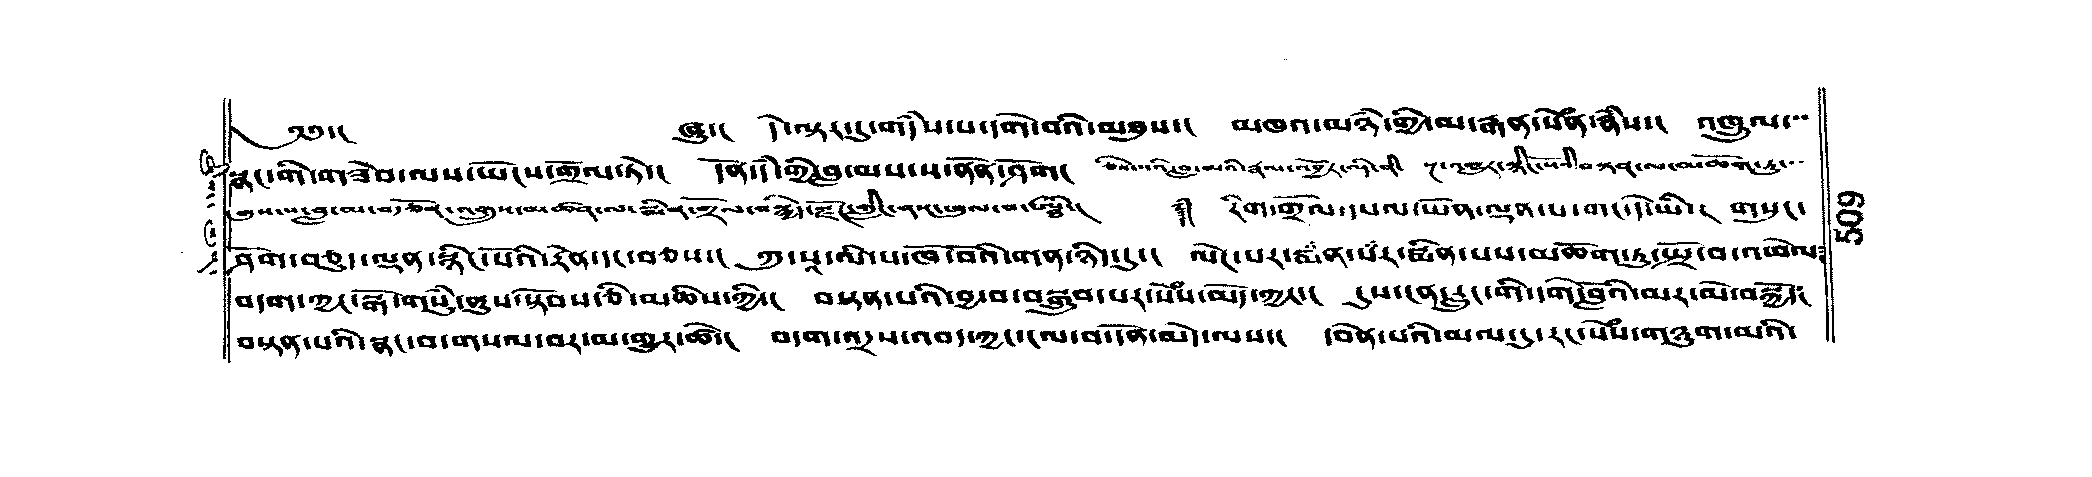ཞུ། །དེ་ལྟར་དུ་གདམས་པ་དགེ་བའི་མཐུས། །མཁའ་མཉམ་གྱི་མ་རྒན་སེམས་ཅན་རྣམས། །འཁྲུལ་
སྣང་གི་གཟེབ་ལས་ཡོངས་གྲོལ་ཏེ། །དོན་དམ་གྱི་བླ་མའི་ས་ནོན་ཤོག།ཅེས་པའི་བླ་མའི་རྣལ་འབྱོར་འདི་ནི། སྔ་འགྱུར་སྙིང་པོའི་བསྟན་ལ་མཆོག་ཏུ་
གུས་པ་བླ་མ་བརྩོན་འགྲུས་མཚན་ལ་སྨིན་གྲོལ་བསྐྱེད་རྫོགས་གླིང་ནས་ཕུལ་བ་།། ༈ རིག་གྲོལ་དཔལ་ཡོན་ལྡན་པ་གང་དེ་ཡི། །གསུང་
ཤོག་བཅུད་ལྡན་སྙིང་པོའི་རྟེན་དང་བཅས། །ཀུ་སཱ་ལི་པ་ཁོ་བོའི་གན་ཉིད་དུ། །ལེགས་པར་སྨིན་པས་མཆོག་ཏུ་སྤྲོ་བ་འཕེལ། །
བདག་ཀྱང་སྒོ་གསུམ་ནུས་སྟོབས་ཅི་མཆིས་ཀྱི། །བསྟན་པའི་བྱ་བ་བསྒྲུབ་པར་སེམས་མོད་ཀྱང་། །དུས་ངན་རླུང་གི་དགེ་བློའི་མར་མེ་བསྐྱོད། །
བསྟན་པའི་སྣང་བ་གསལ་བར་མ་གྱུར་ཚེ། །བདག་འདྲས་དབེན་ཀྱང་ངལ་བ་དོན་མེད་ལས། །བདེན་པའི་མལ་དུ་རང་སེམས་གཉུག་མའི་